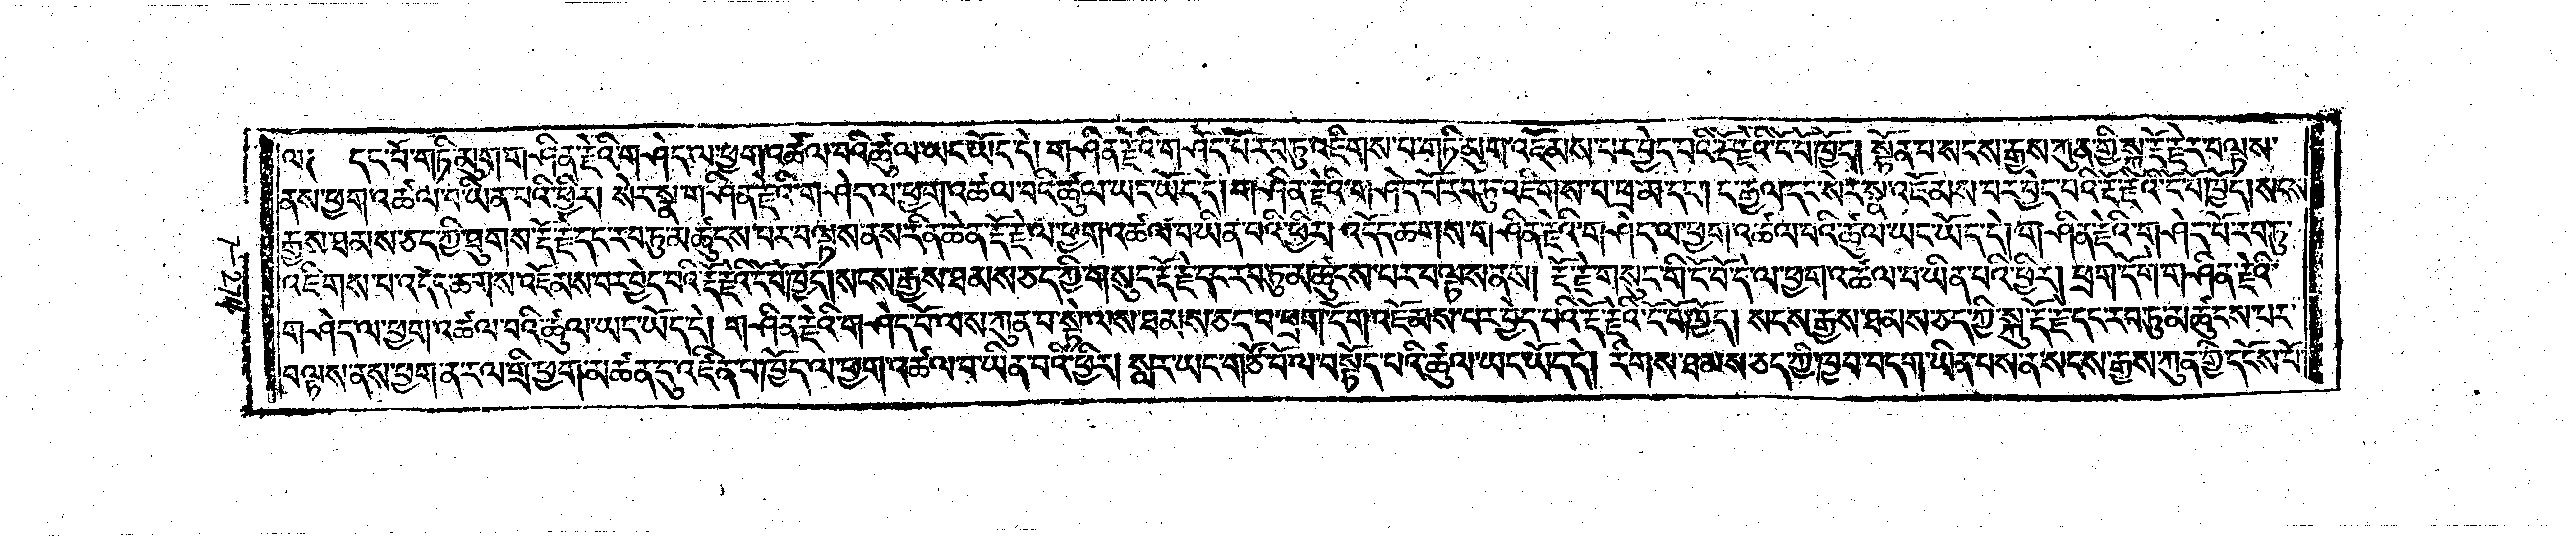ལ༑ དང་པོ་གཏི་མུག་གཤིན་རྗེའི་གཤེད་ལ་ཕྱག་འཚལ་བའི་ཚུལ་ཡང་ཡོད་དེ། གཤིན་རྗེའི་གཤེད་པོ་རབ་ཏུ་འཇིགས་པ་གཏི་མུག་འཇོམས་པར་བྱེད་པའི་རྡོ་རྗེའི་ངོ་བོ་ཁྱོད། སྟོན་པ་སངས་རྒྱས་ཀུན་གྱི་སྐུ་རྡོ་རྗེར་བལྟས་
ནས་ཕྱག་འཚལ་བ་ཡིན་པའི་ཕྱིར། སེར་སྣ་གཤིན་རྗེའི་གཤེད་ལ་ཕྱག་འཚལ་བའི་ཚུལ་ཡང་ཡོད་དེ། གཤིན་རྗེའི་གཤེད་པོ་རབ་ཏུ་འཇིགས་པ་ཕྲ་མ་དང་། ང་རྒྱལ་དང་སེར་སྣ་འཇོམས་པར་བྱེད་པའི་རྡོ་རྗེའི་ངོ་བོ་ཁྱོད། སངས་
རྒྱས་ཐམས་ཅད་ཀྱི་ཐུགས་རྡོ་རྗེ་དང་རབ་ཏུ་མཚུངས་པར་བལྟས་ནས་རིན་ཆེན་རྡོ་རྗེ་ལ་ཕྱག་འཚལ་བ་ཡིན་པའི་ཕྱིར། འདོད་ཆགས་གཤིན་རྗེའི་གཤེད་ལ་ཕྱག་འཚལ་བའི་ཚུལ་ཡང་ཡོད་དེ། གཤིན་རྗེའི་གཤེད་པོ་རབ་ཏུ་
འཇིགས་པ་འདོད་ཆགས་འཇོམས་པར་བྱེད་པའི་རྡོ་རྗེའི་ངོ་བོ་ཁྱོད། སངས་རྒྱས་ཐམས་ཅད་ཀྱི་གསུང་རྡོ་རྗེ་དང་རབ་ཏུ་མཚུངས་པར་བལྟས་ནས། རྡོ་རྗེ་གསུང་གི་ངོ་བོ་དེ་ལ་ཕྱག་འཚལ་བ་ཡིན་པའི་ཕྱིར། ཕྲག་དོག་གཤིན་རྗེའི་
གཤེད་ལ་ཕྱག་འཚལ་བའི་ཚུལ་ཡང་ཡོད་དེ། གཤིན་རྗེའི་གཤེད་པོ་ལས་ཀུན་པ་སྟེ་ལས་ཐམས་ཅད་པ་ཕྲག་དོག་འཇོམས་པར་བྱེད་པའི་རྡོ་རྗེའི་ངོ་བོ་ཁྱོད། སངས་རྒྱས་ཐམས་ཅད་ཀྱི་སྐུ་རྡོ་རྗེ་དང་རབ་ཏུ་མཚུངས་པར་
བལྟས་ནས་ཕྱག་ན་རལ་གྲི་ཕྱག་མཚན་དུ་འཛིན་པ་ཁྱོད་ལ་ཕྱག་འཚལ་བ་ཡིན་པའི་ཕྱིར། སླར་ཡང་གཙོ་བོ་ལ་བསྟོད་པའི་ཚུལ་ཡང་ཡོད་དེ། རིགས་ཐམས་ཅད་ཀྱི་ཁྱབ་བདག་ཡིན་པས་ན་སངས་རྒྱས་ཀུན་གྱི་དངོས་པོ་